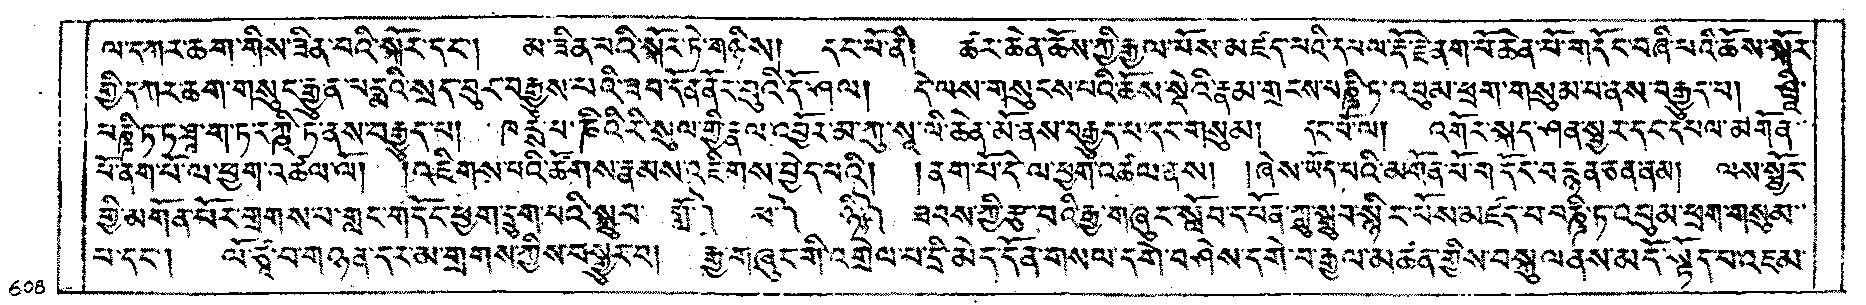ལ་དཀར་ཆག་གིས་ཟིན་པའི་སྐོར་དང་། མ་ཟིན་པའི་སྐོར་ཏེ་གཉིས། དང་པོ་ནི། ཚར་ཆེན་ཆོས་ཀྱི་རྒྱལ་པོས་མཛད་པའི་དཔལ་རྡོ་རྗེ་ནག་པོ་ཆེན་པོ་གདོང་བཞི་པའི་ཆོས་སྐོར་
གྱི་དཀར་ཆག་གསུང་རྒྱུན་པདམའི་སྲད་བུར་བརྒྱུས་པའི་ཟབ་དོན་ནོར་བུའི་དོ་ཤལ། དེ་ལས་གསུངས་པའི་ཆོས་སྡེའི་རྣམ་གྲངས་པཎྜི་ཏ་འབུམ་ཕྲག་གསུམ་པ་ནས་བརྒྱུད་པ། ཤྲཱི་
པཎྜི་ཏ་ཏ་ཐཱ་ག་ཏྲ་རཀྵི་ཏ་ནས་བརྒྱུད་པ། ཁར་ས་པ་ཎིའི་རི་སུལ་གྱི་རྣལ་འབྱོར་མ་ཀུ་སཱ་ལི་ཆེན་མོ་ནས་བརྒྱུད་པ་དང་གསུམ། དང་པོ་ལ། འགོར་སྐད་ཤན་སྦྱར་དང་དཔལ་མགོན་
པོ་ནག་པོ་ལ་ཕྱག་འཚལ་ལོ། །འཇིགས་པའི་ཚོགས་རྣམས་འཇིགས་བྱེད་པའི། །ནག་པོ་དེ་ལ་ཕྱག་འཚལ་ནས། །ཞེས་ཡོད་པའི་མགོན་པོ་གདོང་བརྙན་ཅན་ནམ། ལས་སྦྱོར་
གྱི་མགོན་པོར་གྲགས་པ་གླང་གདོང་ཕྱག་དྲུག་པའི་སྒྲུབ་གླ྄ོ་ཕ྄་ཉི་~྾?་ཐབས་ཀྱི་རྩ་བའི་རྒྱ་གཞུང་སློབ་དཔོན་ཀླུ་སྒྲུབ་སྙིང་པོས་མཛད་པ་པཎྜི་ཏ་འབུམ་ཕྲག་གསུམ་
པ་དང་། ལོ་ཙཱ་བ་གཉན་དར་མ་གྲགས་ཀྱིས་བསྒྱུར་བ། རྒྱ་གཞུང་གི་འགྲེལ་པ་དྲི་མེད་དོན་གསལ་དགེ་བཤེས་དགེ་བ་རྒྱལ་མཚན་གྱིས་བསྐུལ་ནས་མདོ་སྟོད་པ་འཇམ་